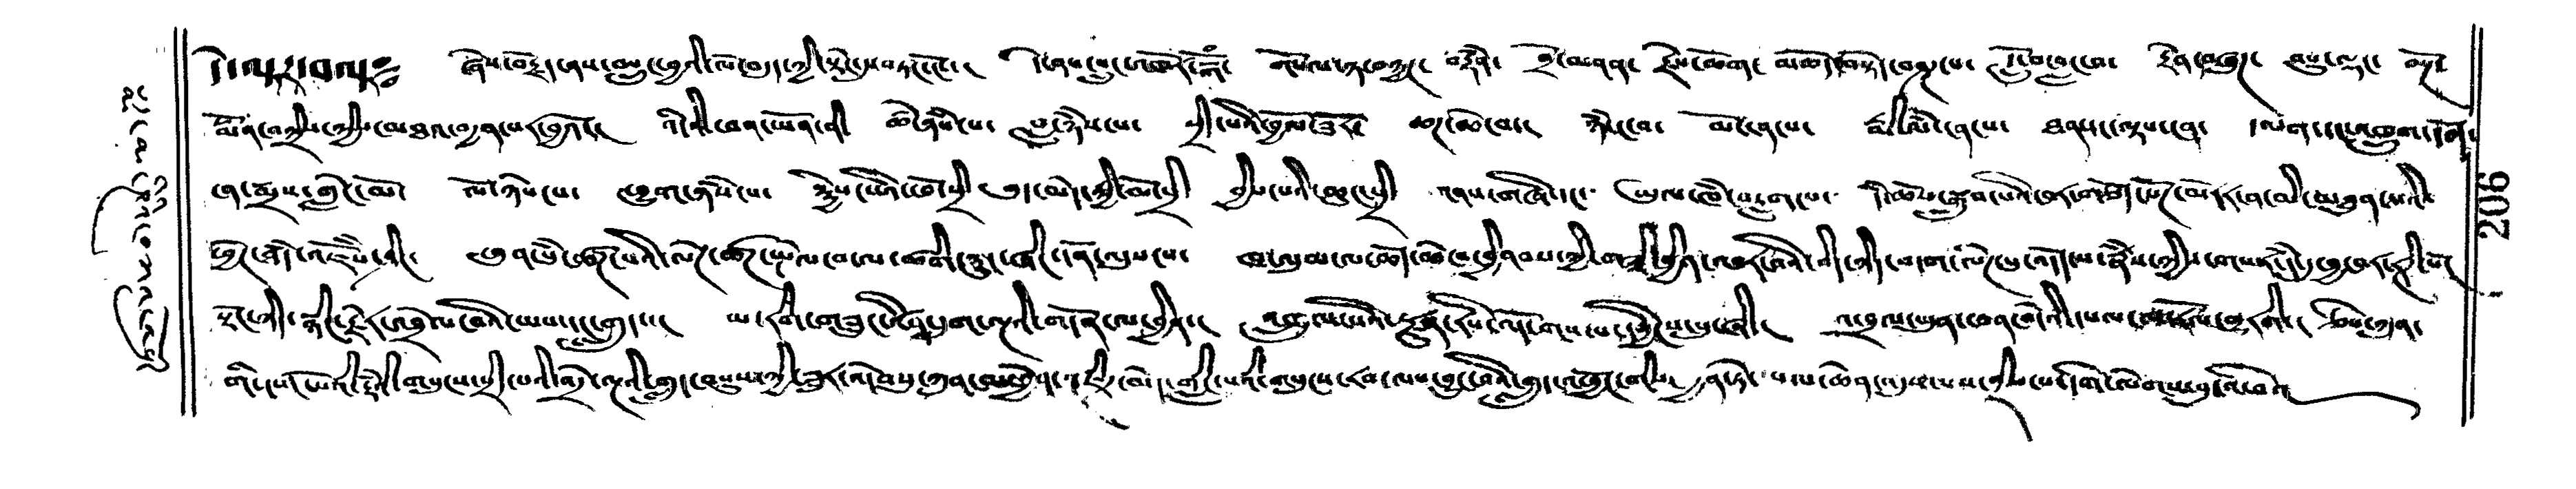དེ་ལྟར་བལྟ༔ ཞེས་བརྗོད་ནས་བསྲུང་བྱའི་ལོ་བདུད་ཀྱི་སྟེང་དུ་བཏང་ངོ། དེ་ནས་སྲུང་འཁོར་བསྒོམ། གསོལ་ཀ་བཀྱག བརྟན་མ། གྲོ་མནན། རྗེས་ཆོག མཆོད་བསྟོད། བཤགས་པ། དངོས་གྲུབ་བླང་བ། རྟེན་བཞུགས། བསྡུ་ལྡང་། བསྔོ་
སྨོན་བཀྲ་ཤིས་ཀྱིས་མཐའ་བརྒྱན་པར་བྱའོ།། འདིའི་ཕན་ཡོན་ནི། ཚེ་ཉམས་པ། བླ་ཉམས་པ། སྲིད་པའི་བྱོལ་ཟོར། ཆགས་ཆེ་བ། ཉམས་ང་བ། མོ་ངན་པ། རྨི་ལམ་ངན་པ། ཐན་དང་ལྟས་ངན། དམག་དང་འཁྲུག་རྩོད་
ངན་སྨྲས་གླེང་མོ། ལོ་ཉེས་པ། ཕྱུགས་ཉམས་པ། སྐྱེས་པའི་ཕོ་སྲི།བུད་མེད་ཀྱི་མོ་སྲི། བྱིས་པའི་ཆུང་སྲི། གནས་གཞི་དང་ཡུལ་ཁམས་བརླགས་པ། དམ་ཆོས་སྒྲུབ་པའི་བར་གཅོད་སོགས་མདོར་ན་མི་མཐུན་པའི་
ཕྱོགས་ཐམས་ཅད་འཇོམས་ཤིང་། ཕུན་སུམ་ཚོགས་པའི་ལེགས་ཚོགས་སྤེལ་བ་ལ་ཚིག་ཉུང་ཞིང་དོན་འདུས་པ། ཁ་འདུམ་ལ་ཆོད་ཆེ་བ་བྱིན་རླབས་ཀྱི་གཟི་བྱིན་འབར་བ་འདི་ཉིད་བདག་ལེགས་སུ་འདོད་པ་རྣམས་ཀྱིས་གཡར་དམ་དུ་བྱ་བར་རིགས་སོ།། 
སྟོང་ཉིད་སྙིང་རྗེར་འབྲེལ་བའི་ཡས་དང་གླུད། །མ་རིག་གཟུང་འཛིན་དུག་ལྔའི་གདོན་ལ་བྱིན། །འཁྲུལ་པའི་རྫུན་རིས་འོད་གསལ་དབྱིངས་སུ་ཞི། །འཕྲལ་ཡུན་ཕན་བདེའི་དཔལ་ལ་རོལ་གྱུར་ཅིག ཅེས་ཀུན་
མཁྱེན་ངག་གི་དབང་པོའི་རྡོ་རྗེའི་གསུང་སྲིད་པའི་འདྲེ་ལྔའི་གླུད་བསྡུས་ཀྱི་ཟུར་འདེབས་སུ་ཀུན་མཁྱེན་འཇིགས་མེད་གླིང་པའི་གསུང་རབ་ལས་བྱུང་བའི་གླུད་འཕྱང་གིས་རྒྱན་ཏེ་དཔལ་ཆེན་འདུས་པས་བྲིས་པ་དགེ་ལེགས་སུ་འཕེལ།། 
དགེའོ།།